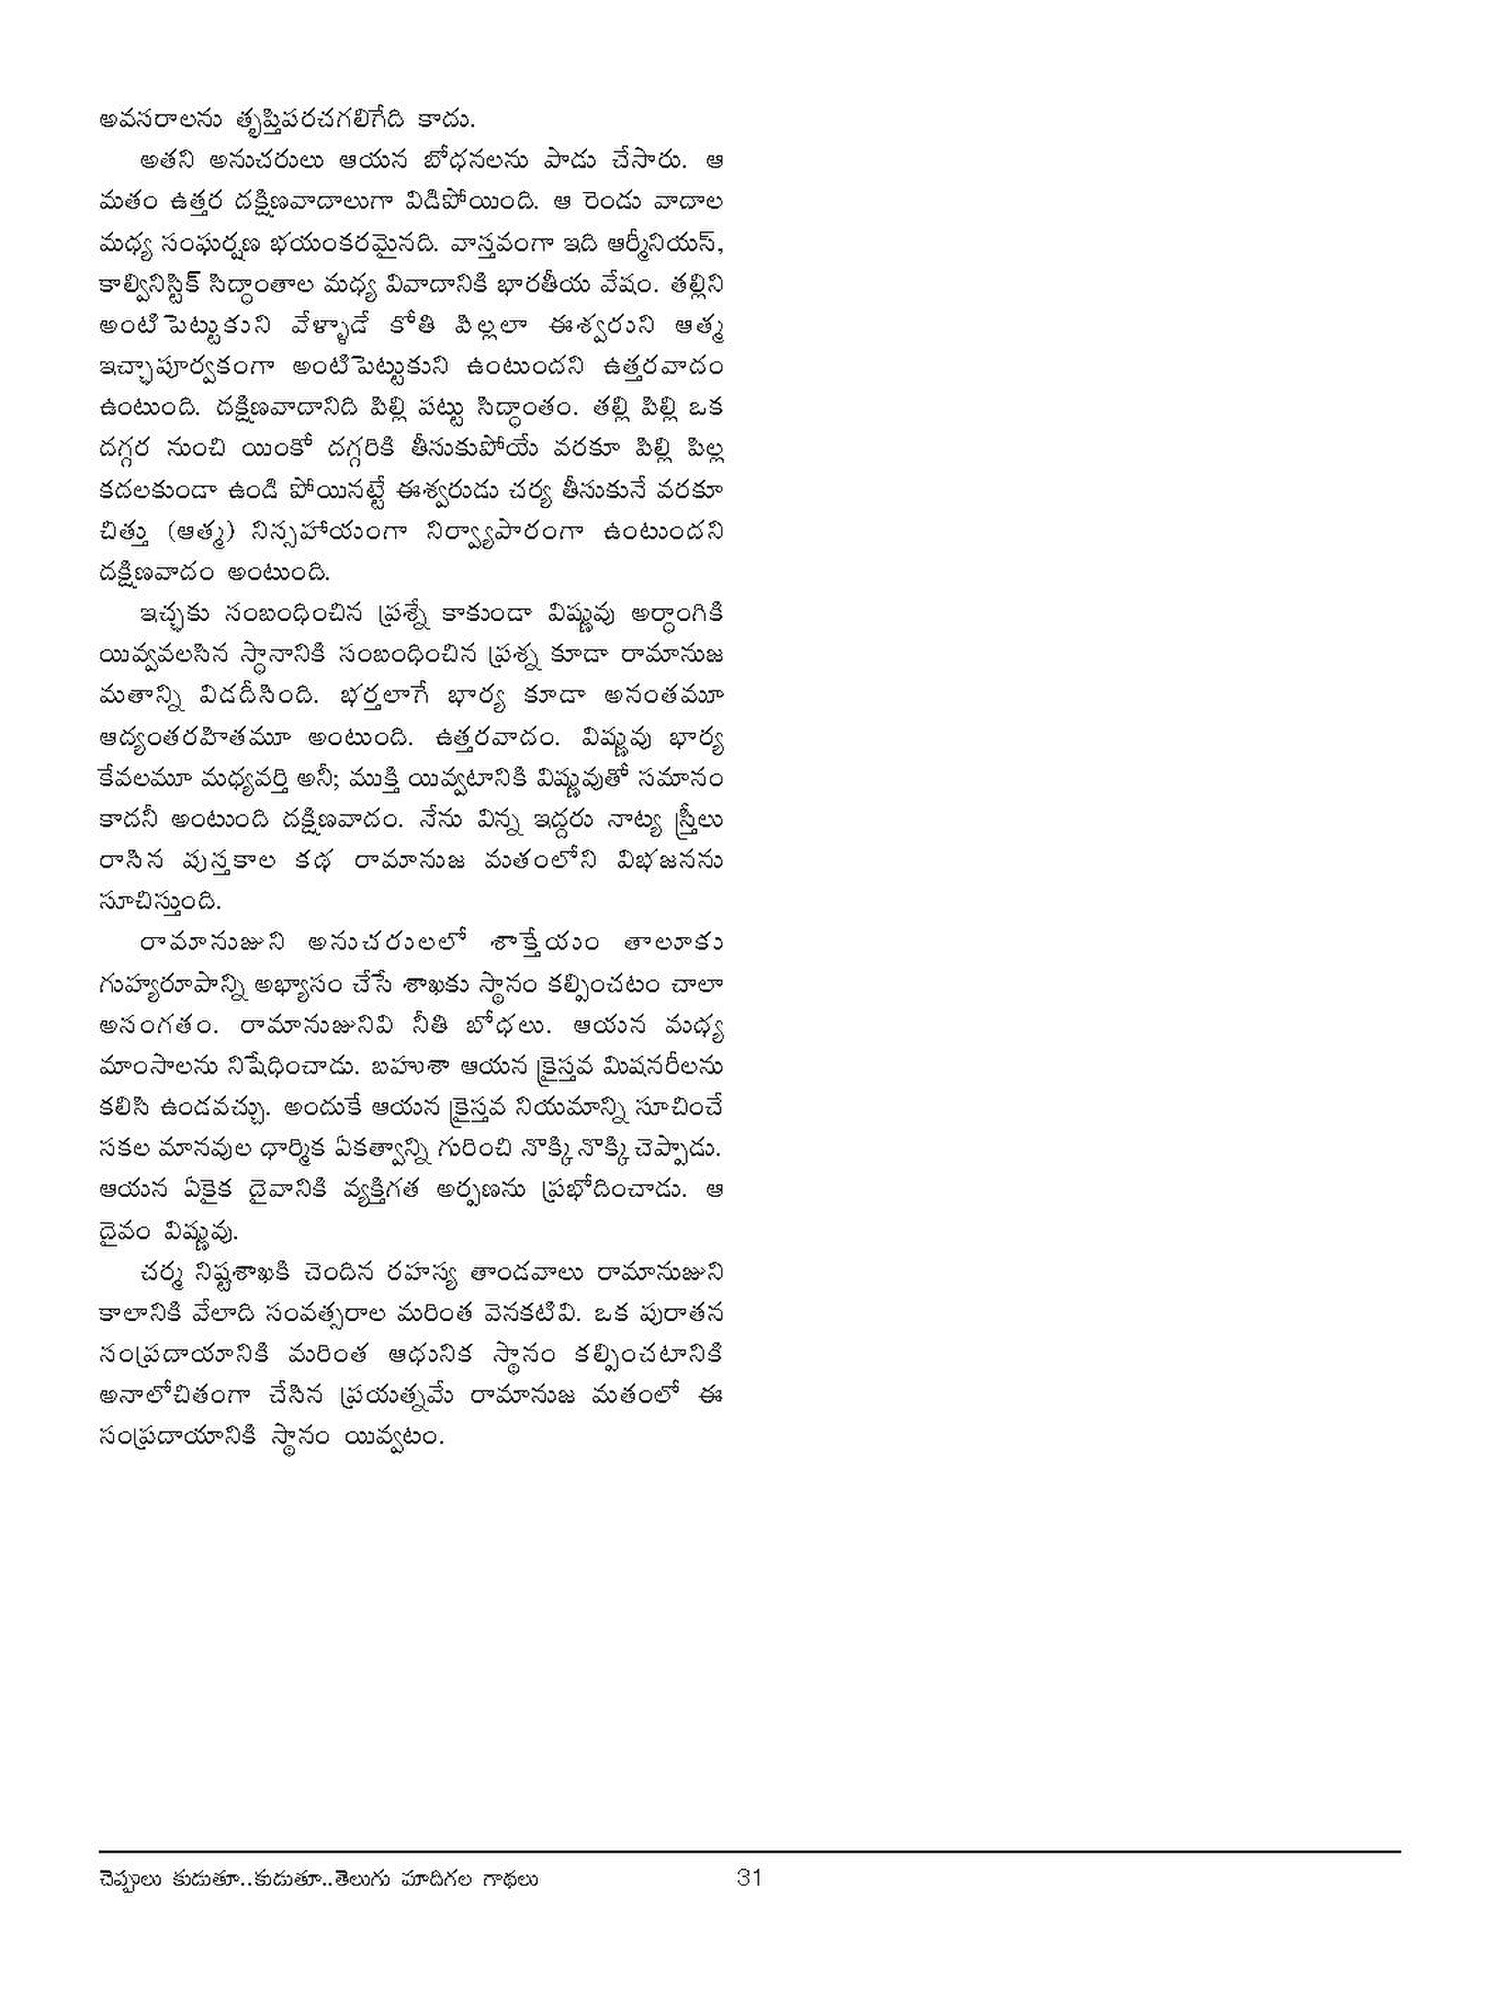అవసరాలను తృప్తిపరచగలిగేది కాదు.

అతని అనుచరులు ఆయన బోధనలను పాడు చేసారు. ఆ
మతం ఉత్తర దక్షిణవాదాలుగా విడిపోయింది. ఆ రెండు వాదాల
మధ్య సంఘర్షణ భయంకరమైనది. వాస్తవంగా ఇది ఆర్మీనియస్,
కాల్వినిస్టిక్ సిద్ధాంతాల మధ్య వివాదానికి భారతీయ వేషం. తల్లిని
అంటి పెట్టుకుని వేళ్ళాడే కోతి పిల్లలా ఈశ్వరుని ఆత్మ
ఇచ్ఛాపూర్వకంగా అంటి పెట్టుకుని ఉంటుందని ఉత్తరవాదం
ఉంటుంది. దక్షిణవాదానిదీ పిల్లి పట్టు సిద్ధాంతం. తల్లి పిల్లి ఒక
దగ్గర నుంచి యింకో దగ్గరికి తీసుకుపోయే వరకూ పిల్లి పిల్ల
కదలకుండా ఉండి పోయినట్టే ఈశ్వరుడు చర్య తీసుకునే వరకూ
చిత్తు (ఆత్మ) నిస్సహాయంగా నిర్వ్యాపారంగా ఉంటుందని
దక్షిణవాదం అంటుంది.

ఇచ్ఛకు సంబంధించిన ప్రశ్నే కాకుండా విష్ణువు అర్ధాంగికి
యివ్వవలసిన స్థానానికి సంబంధించిన ప్రశ్న కూడా రామానుజ
మతాన్ని విడదీసింది. భర్తలాగే భార్య కూడా అనంతమూ
ఆద్యంతరహితమూ అంటుంది. ఉత్తరవాదం. విష్ణువు భార్య
కేవలమూ మధ్యవర్తి అనీ; ముక్తి యివ్వటానికి విష్ణువుతో సమానం
కాదనీ అంటుంది దక్షిణవాదం. నేను విన్న ఇద్దరు నాట్య స్త్రీలు
రాసిన పుస్తకాల కథ రామానుజ మతంలోని విభజనను
సూచిస్తుంది.

రామానుజుని అనుచరులలో శాక్తేయం తాలూకు
గుహ్యరూపాన్ని అభ్యాసం చేసే శాఖకు స్థానం కల్పించటం చాలా
అసంగతం. రామానుజునివి నీతి బోధలు. ఆయన మధ్య
మాంసాలను నిషేధించాడు. బహుశా ఆయన క్రైస్తవ మిషనరీలను
కలిసి ఉండవచ్చు. అందుకే ఆయన క్రైస్తవ నియమాన్ని సూచించే
సకల మానవుల ధార్మిక ఏకత్వాన్ని గురించి నొక్కి నొక్కి చెప్పాడు.
ఆయన ఏకైక దైవానికి వ్యక్తిగత అర్పణను ప్రభోదించాడు. ఆ
దైవం విష్ణువు.

చర్మ నిష్టశాఖకి చెందిన రహస్య తాండవాలు రామానుజుని
కాలానికి వేలాది సంవత్సరాల మరింత వెనకటివి. ఒక పురాతన
సంప్రదాయానికి మరింత ఆధునిక స్థానం కల్పించటానికి
అనాలోచితంగా చేసిన ప్రయత్నమే రామానుజ మతంలో ఈ
సంప్రదాయానికి స్థానం యివ్వటం.